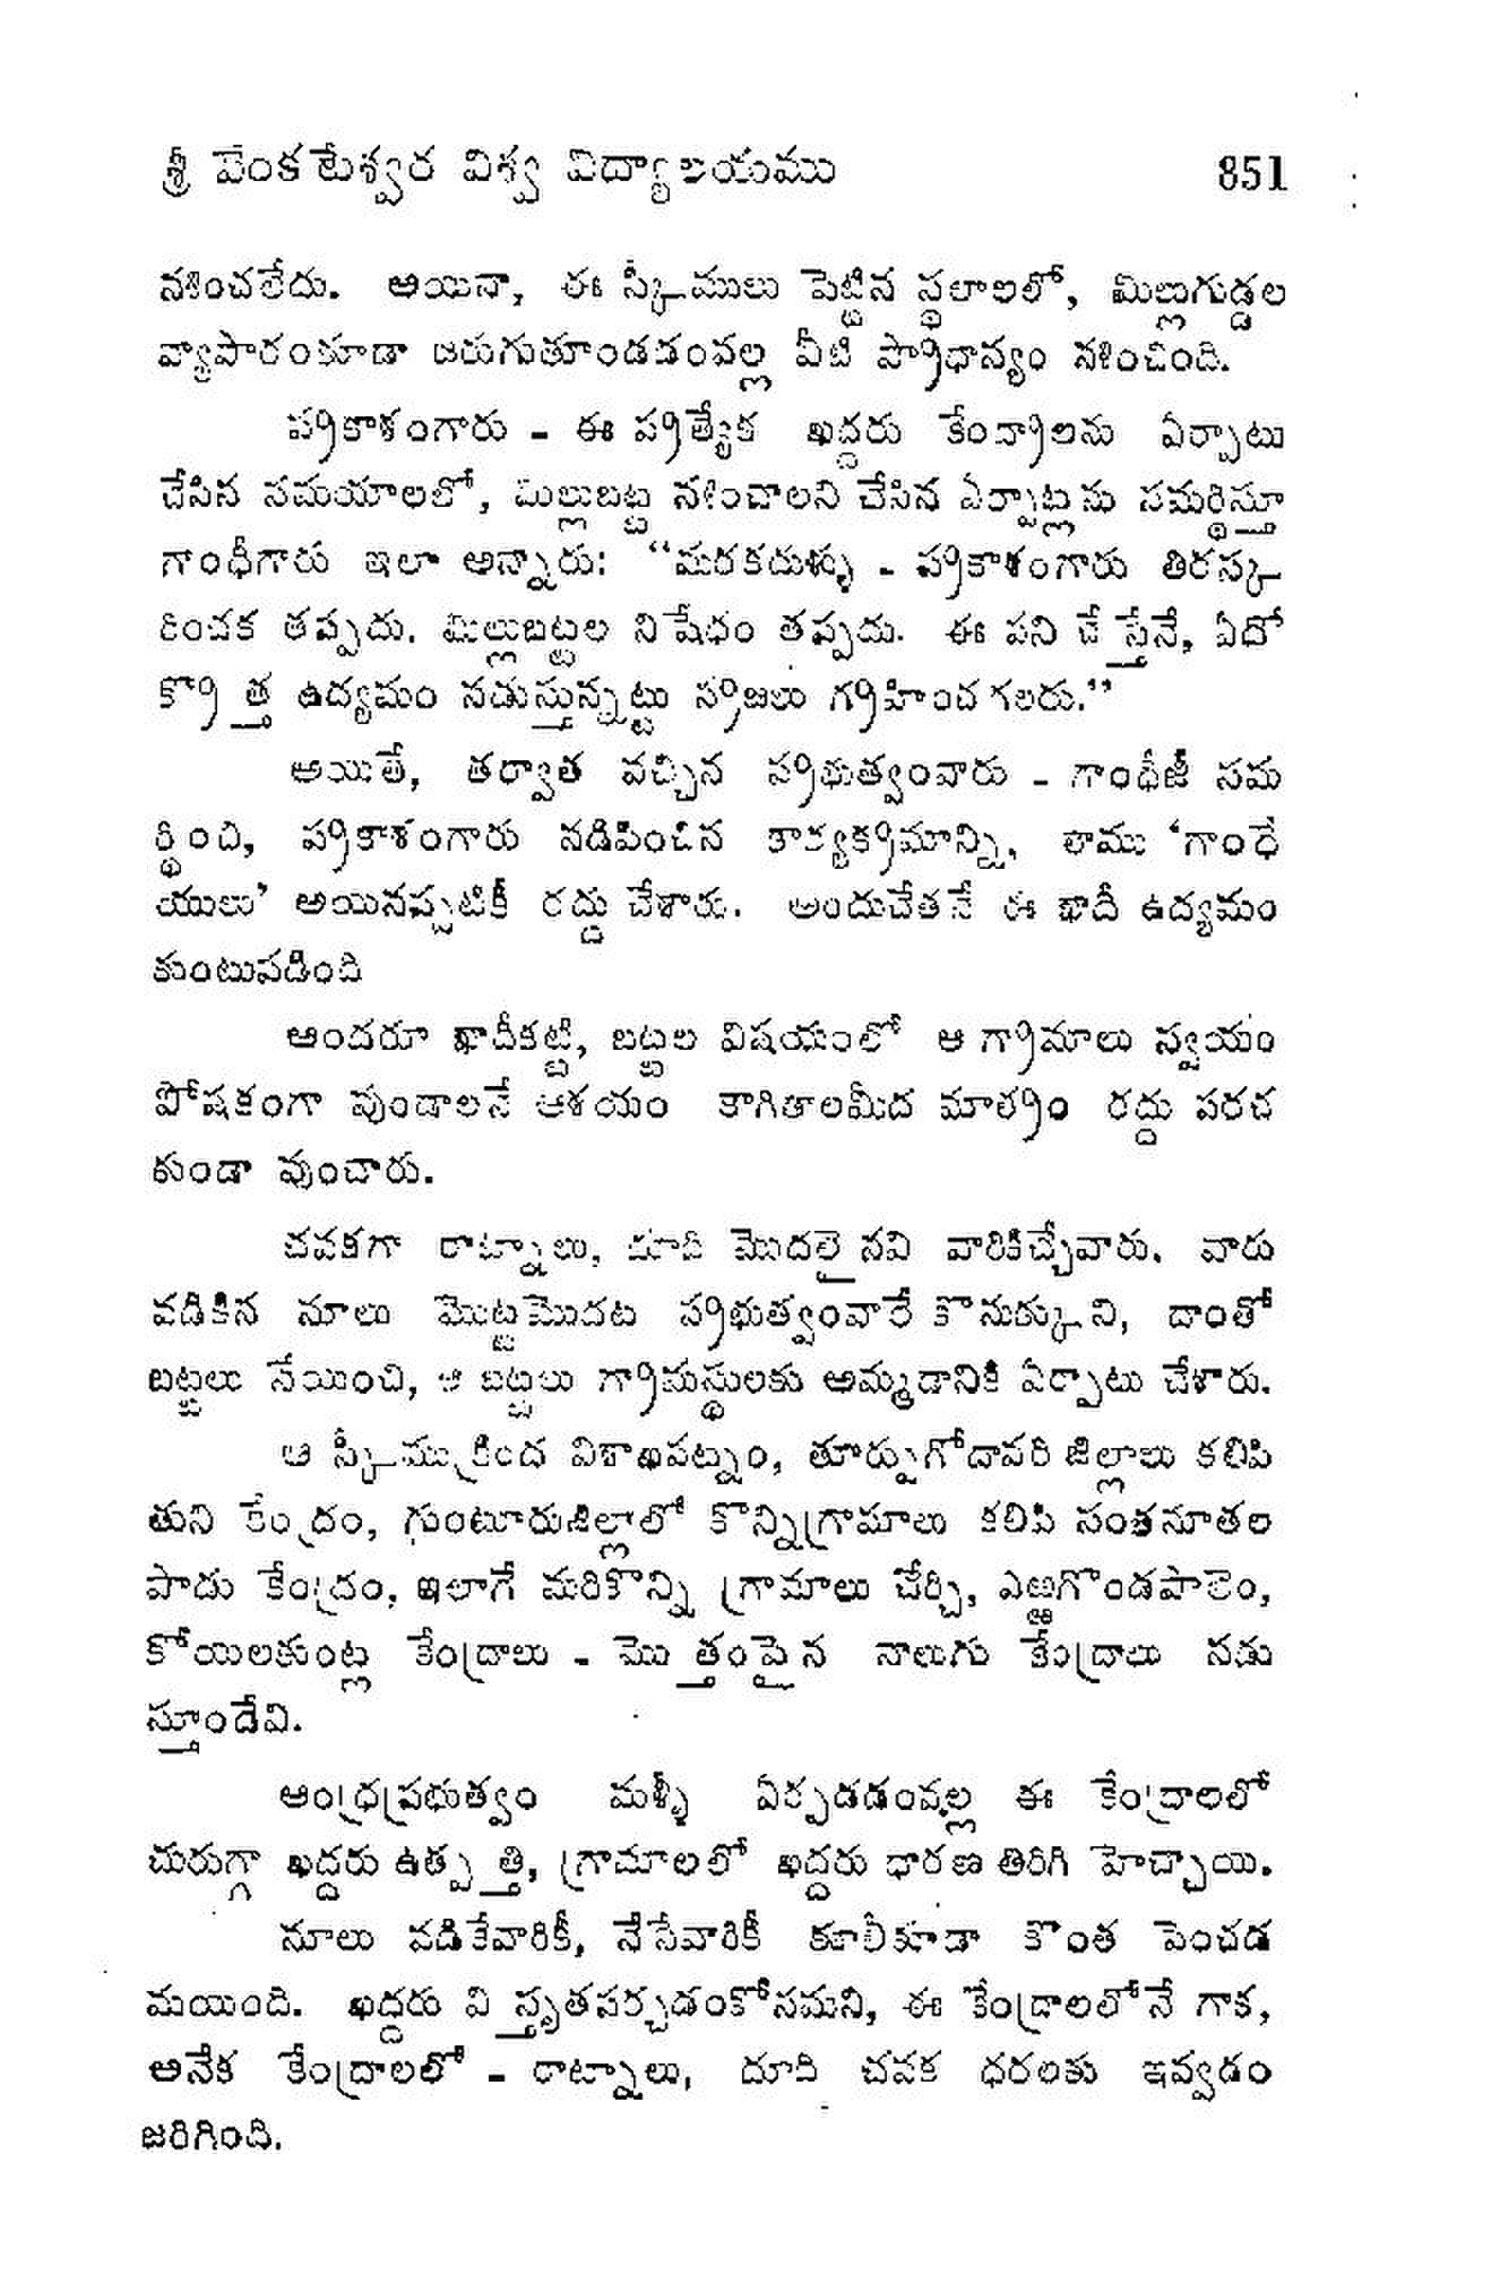నశించలేదు. అయినా, ఈ స్కీములు పెట్టిన స్థలాలలో, మిల్లుగుడ్డల వ్యాపారంకూడా జరుగుతూండడంవల్ల వీటి ప్రాధాన్యం నశించింది.

ప్రకాశంగారు - ఈ ప్రత్యేక ఖద్దరు కేంద్రాలను ఏర్పాటు చేసిన సమయాలలో, మిల్లుబట్ట నశించాలని చేసిన ఏర్పాట్లను సమర్థిస్తూ గాంధీగారు ఇలా అన్నారు: "మరకదుళ్ళు - ప్రకాశంగారు తిరస్కరించక తప్పదు. ముల్లుబట్టల నిషేధం తప్పదు. ఈ పని చేస్తేనే, ఏదో క్రొత్త ఉద్యమం వడుస్తున్నట్టు ప్రజలు గ్రహించ గలరు."

అయితే, తర్వాత వచ్చిన ప్రభుత్వంవారు - గాంధీజీ సమర్థించి, ప్రకాశంగారు నడిపించిన కార్యక్రమాన్ని, తాము 'గాంధేయులు' అయినప్పటికీ రద్దు చేశారు. అందుచేతనే ఈ ఖాదీ ఉద్యమం కుంటుపడింది.

అందరూ ఖాదీకట్టి, బట్టల విషయంలో ఆ గ్రామాలు స్వయంపోషకంగా వుండాలనే ఆశయం కాగితాలమీద మాత్రం రద్దు పరచకుండా వుంచారు.

చవకగా రాట్నాలు, దూది మొదలైనవి వారికిచ్చేవారు. వారు వడికిన నూలు మొట్టమొదట ప్రభుత్వంవారే కొనుక్కుని. దాంతో బట్టలు నేయించి, ఆ బట్టలు గ్రామస్థులకు అమ్మడానికి ఏర్పాటు చేశారు.

ఆ స్కీముక్రింద విశాఖపట్నం, తూర్పుగోదావరి జిల్లాలు కలిపి తుని కేంద్రం, గుంటూరుజిల్లాలో కొన్నిగ్రామాలు కలిపి సంతనూతలపాడు కేంద్రం, ఇలాగే మరికొన్ని గ్రామాలు చేర్చి, ఎఱ్ఱగొండపాలెం, కోయిలకుంట్ల కేంద్రాలు - మొత్తంపైన నాలుగు కేంద్రాలు నడుస్తూండేవి.

ఆంధ్రప్రభుత్వం మళ్ళీ ఏర్పడడంవల్ల ఈ కేంద్రాలలో చురుగ్గా ఖద్దరు ఉత్పత్తి, గ్రామాలలో ఖద్దరు ధారణ తిరిగి హెచ్చాయి.

నూలు వడికేవారికీ, నేసేవారికీ కూలీకూడా కొంత పెంచడమయింది. ఖద్దరు విస్తృతపర్చడంకోసమని, ఈ కేంద్రాలలోనే గాక, అనేక కేంద్రాలలో - రాట్నాలు, దూది చవక ధరలకు ఇవ్వడం జరిగింది.